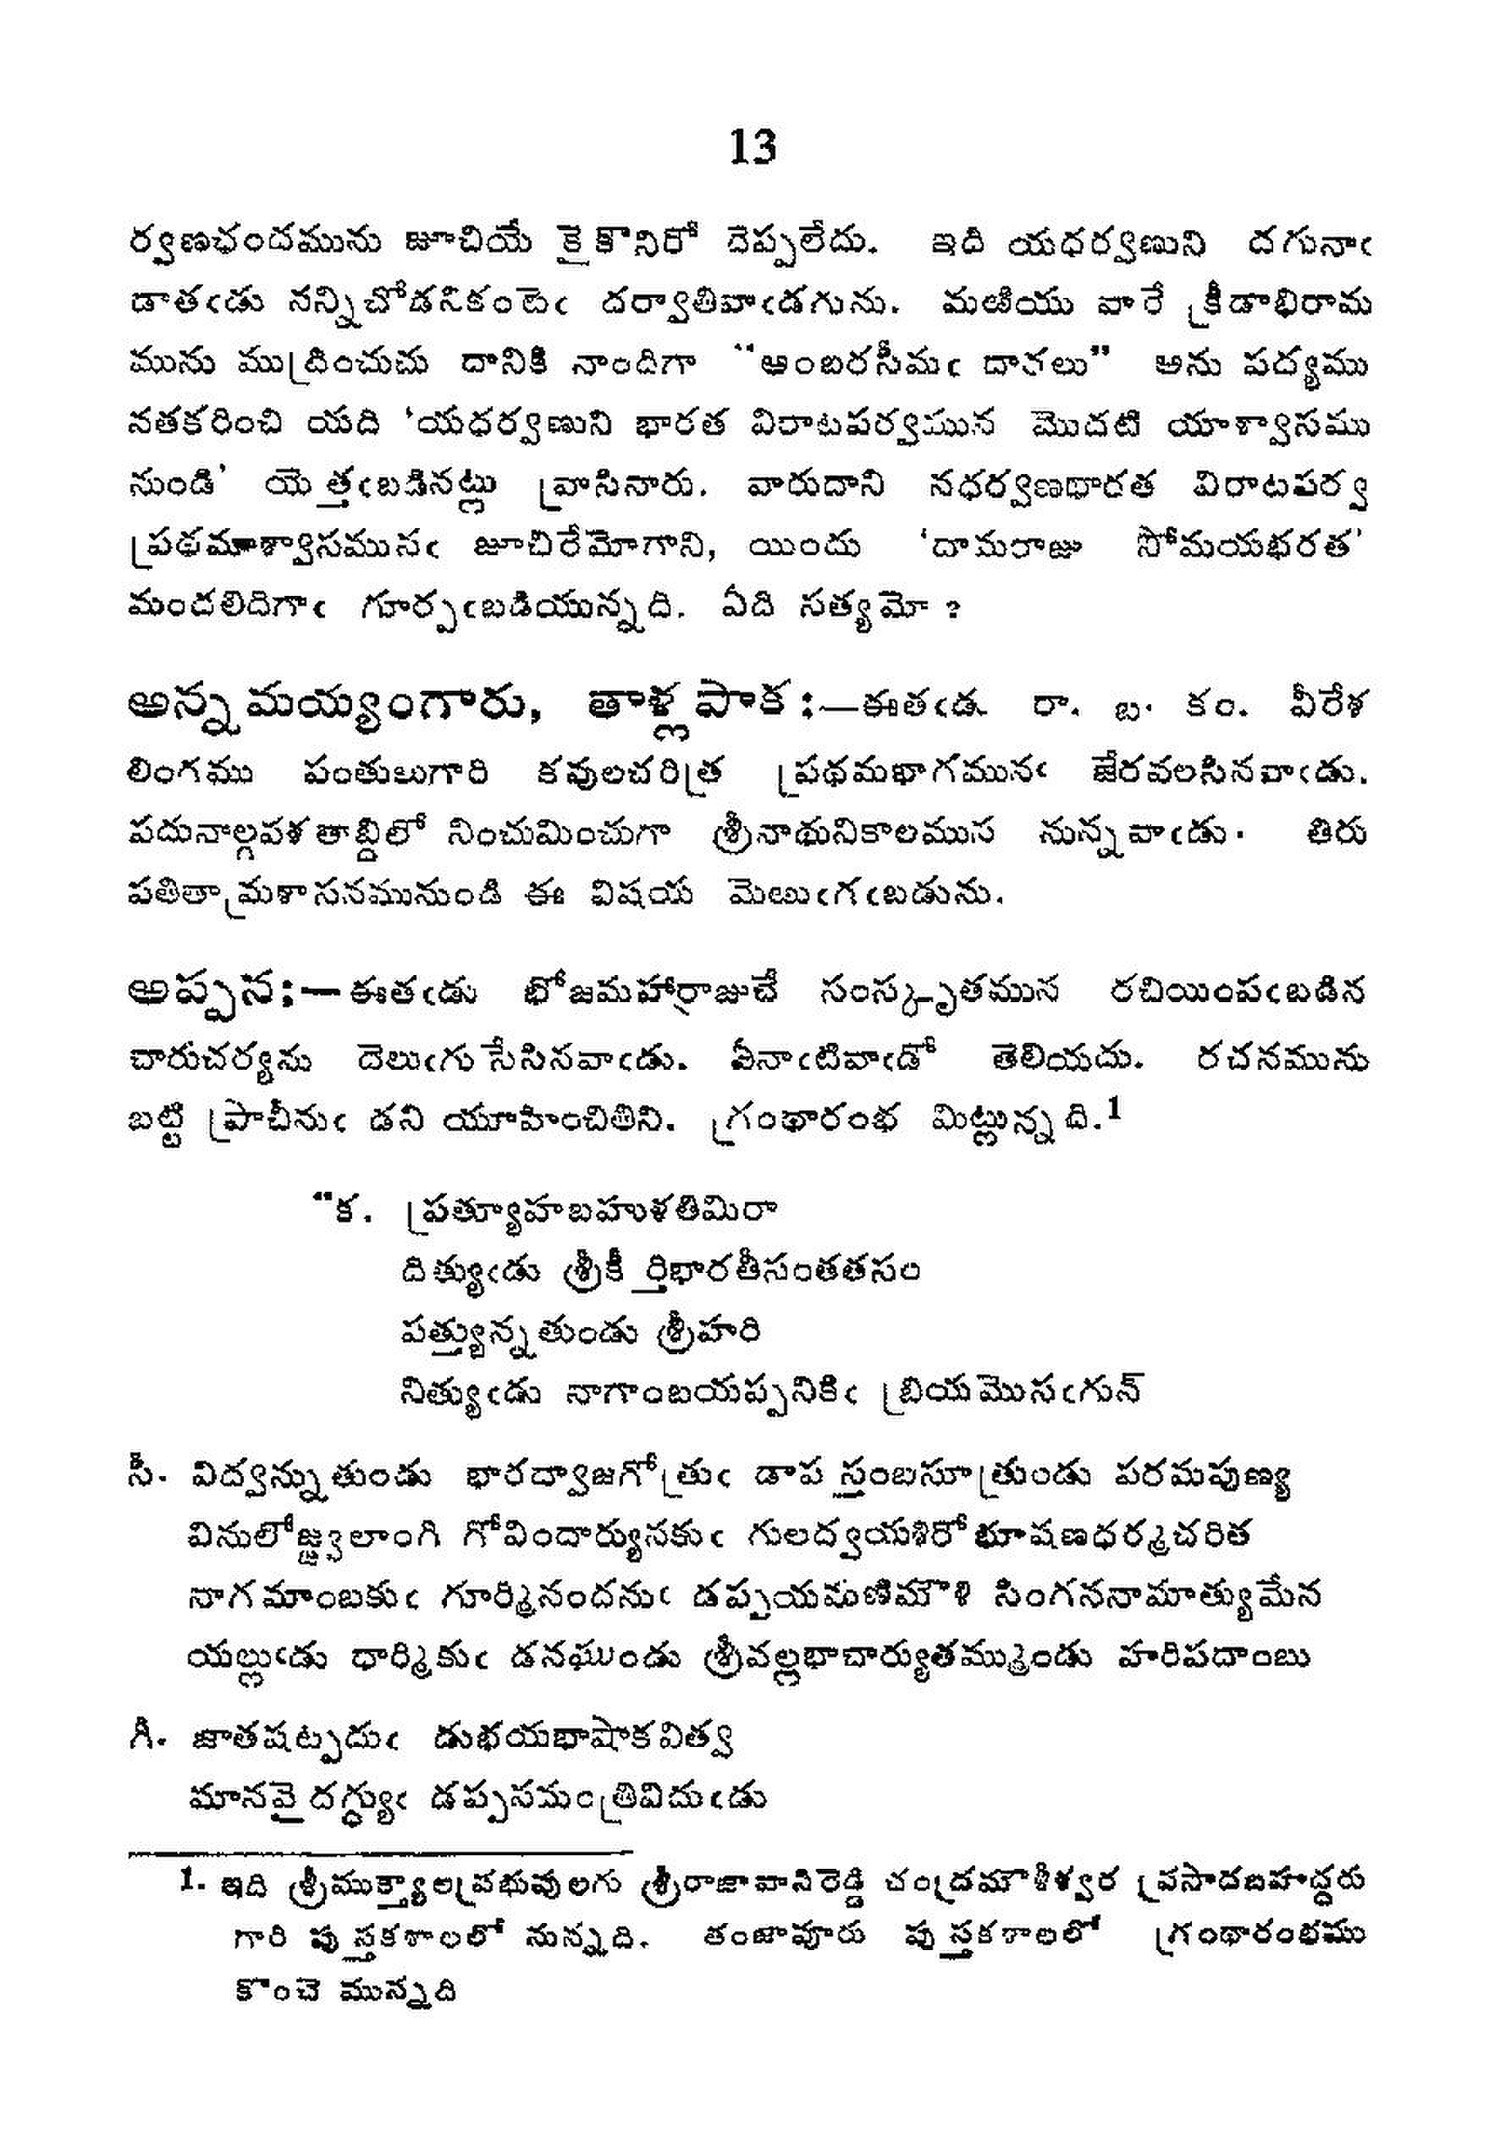ర్వణఛందమును జూచియే కైకొనిరో చెప్పలేదు. ఇది యధర్వణుని దగునాఁ డాతఁడు నన్నిచోడనికంటెఁ దర్వాతివాఁడగును. మఱియు వారే క్రీడాభిరామమును ముద్రించుచు దానికి నాందిగా “అంబరసీమఁ దారలు" అను పద్యము నతకరించి యది 'యధర్వణుని భారత విరాటపర్వమున మొదటి యాశ్వాసము నుండి' యెత్తఁబడినట్లు వ్రాసినారు. వారు దాని నధర్వణభారత విరాటపర్వ ప్రథమాశ్వాసమునఁ జూచిరేమోగాని, యిందు 'దామరాజు సోమయభరత' మండలిదిగాఁ గూర్పఁబడియున్నది. ఏది సత్యమో? 

అన్నమయ్యంగారు, తాళ్లపాక:— ఈతఁడు రా. బ. కం. వీరేశలింగము పంతులుగారి కవులచరిత్ర ప్రథమభాగమునఁ జేరవలసినవాఁడు. పదునాల్గవశతాబ్దిలో నించుమించుగా శ్రీనాథునికాలమున నున్నవాఁడు. తిరుపతి తామ్రశాసనమునుండి ఈ విషయ మెఱుఁగఁబడును. 

అప్పన:— ఈతఁడు భోజమహారాజుచే సంస్కృతమున రచియింపఁబడిన చారుచర్యను దెలుఁగుసేసినవాఁడు. ఏనాఁటివాఁడో తెలియదు. రచనమును బట్టి ప్రాచీనుఁ డని యూహించితిని. గ్రంథారంభ మిట్లున్నది.